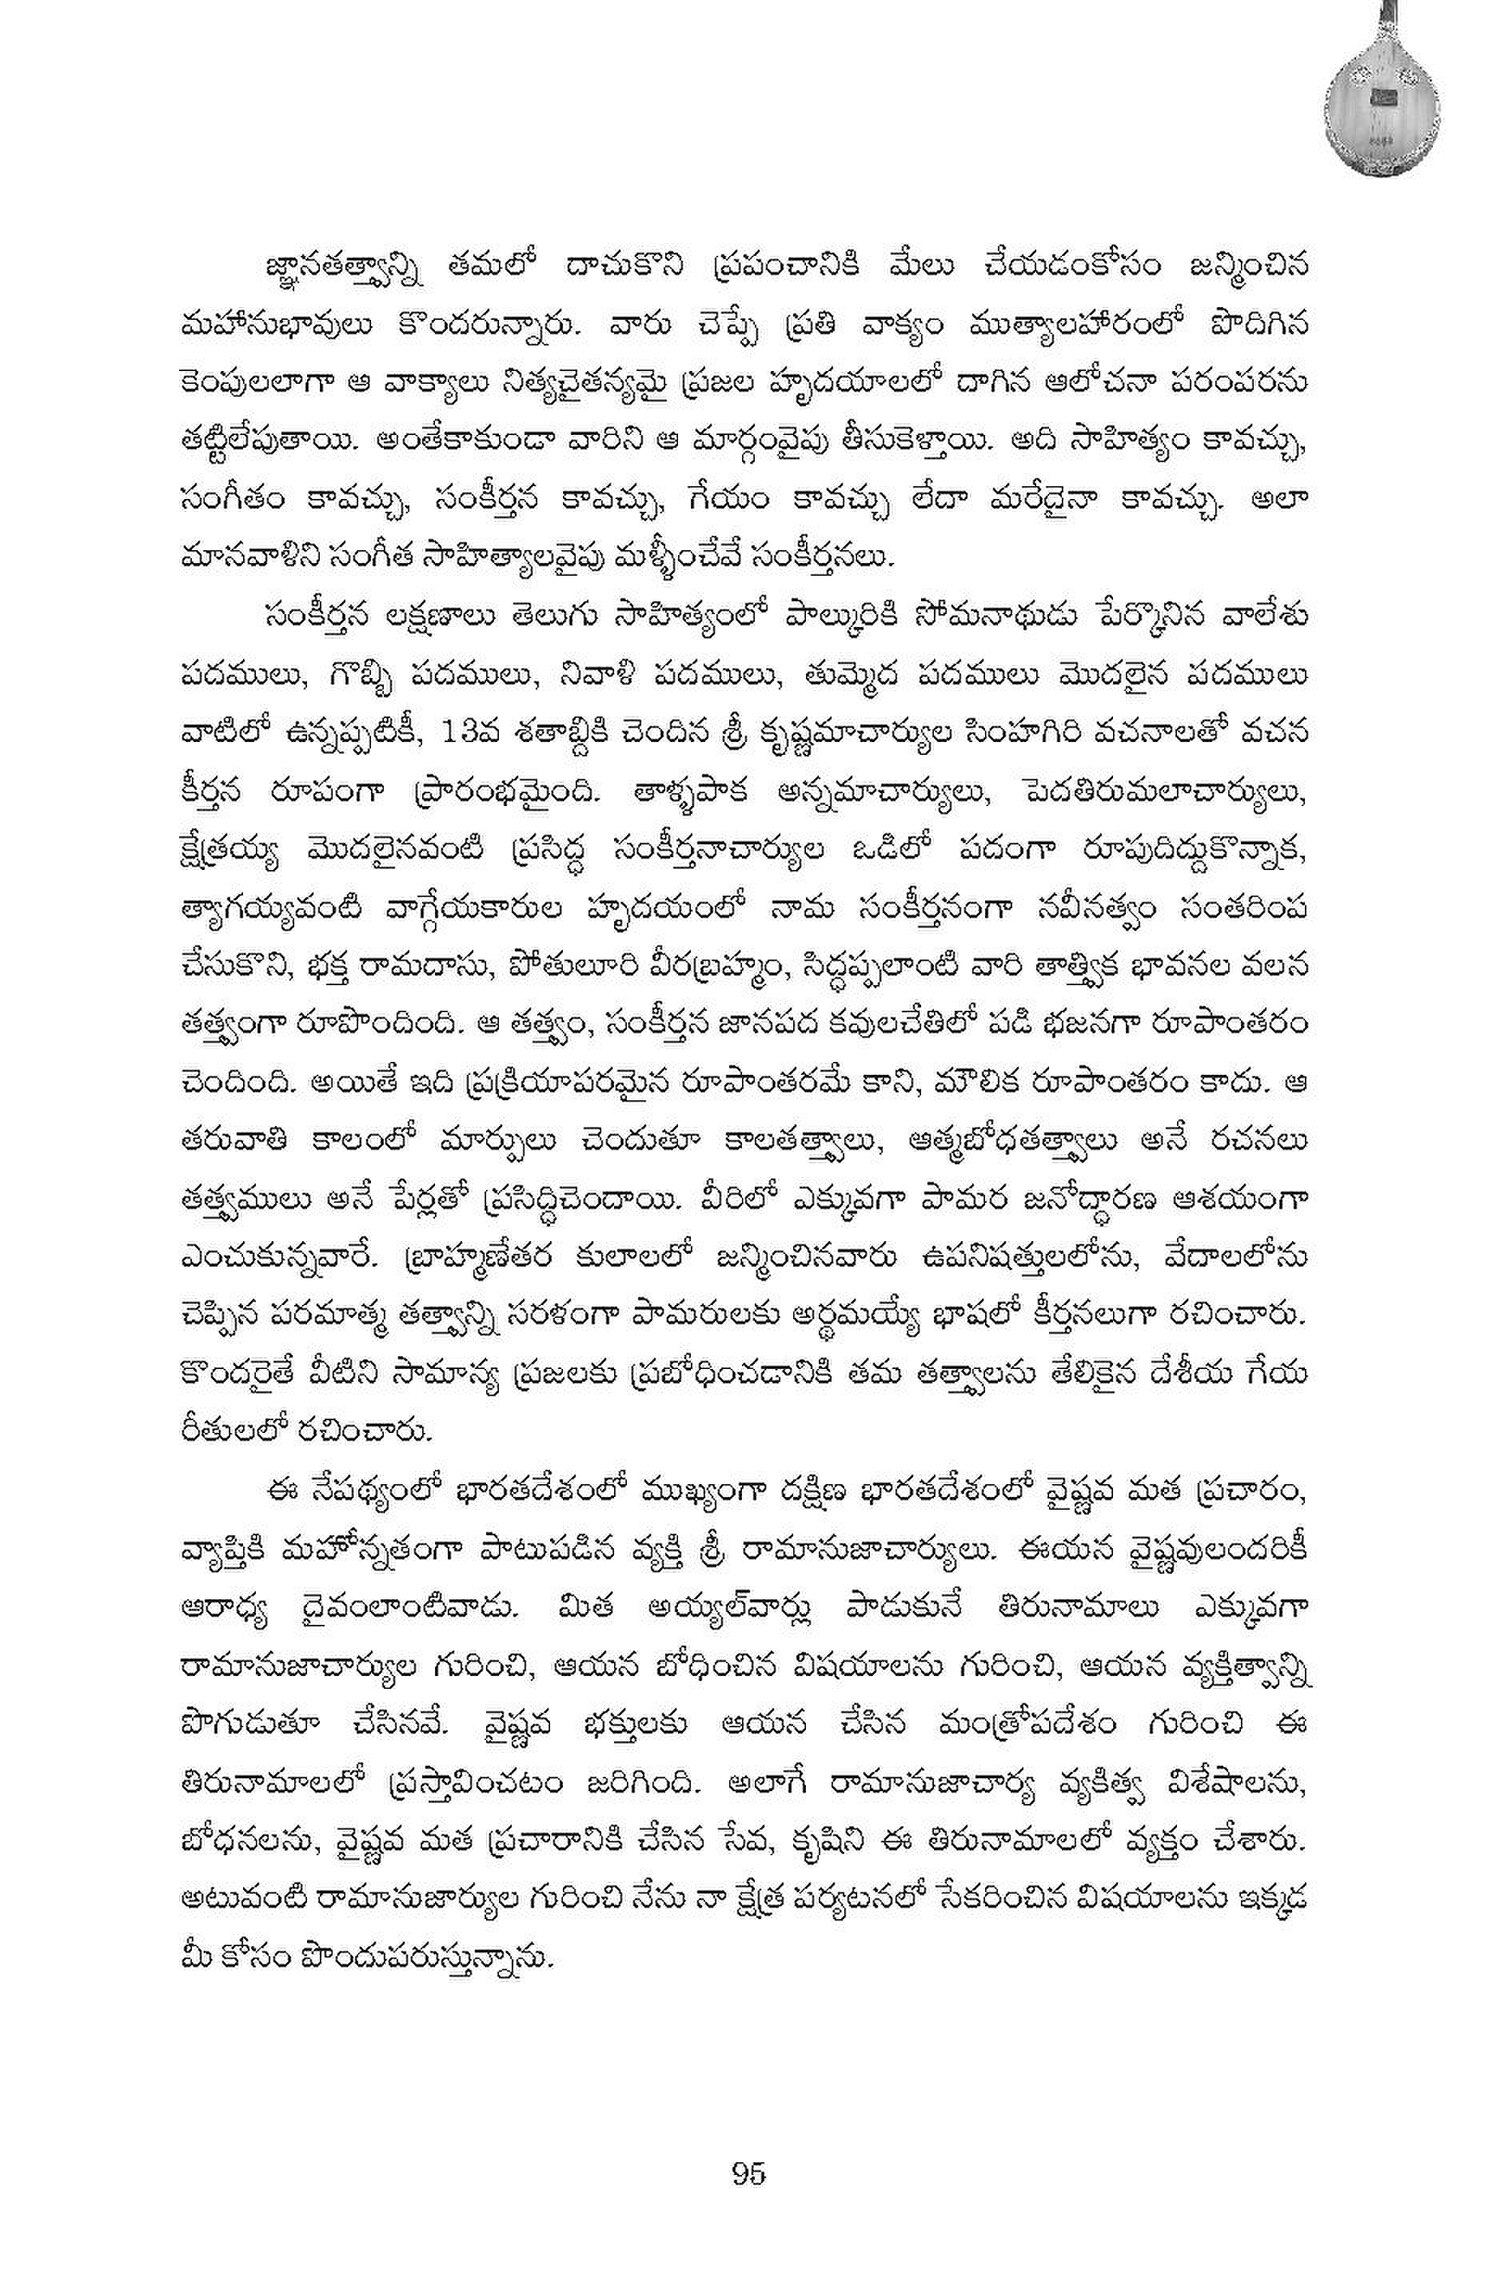జ్ఞానతత్త్వాన్ని తమలో దాచుకొని ప్రపంచానికి మేలు చేయడంకోసం జన్మించిన మహానుభావులు కొందరున్నారు. వారు చెప్పే ప్రతి వాక్యం ముత్యాలహారంలో పొదిగిన కెంపులలాగా ఆ వాక్యాలు నిత్యచైతన్యమై ప్రజల హృదయాలలో దాగిన ఆలోచనా పరంపరను తట్టిలేపుతాయి. అంతేకాకుండా వారిని ఆ మార్గంవైపు తీసుకెళ్తాయి. అది సాహిత్యం కావచ్చు, సంగీతం కావచ్చు, సంకీర్తన కావచ్చు, గేయం కావచ్చు లేదా మరేదైనా కావచ్చు. అలా మానవాళిని సంగీత సాహిత్యాలవైపు మళ్ళీంచేవే సంకీర్తనలు.

సంకీర్తన లక్షణాలు తెలుగు సాహిత్యంలో పాల్కురికి సోమనాథుడు పేర్కొనిన వాలేశు పదములు, గొబ్బి పదములు, నివాళి పదములు, తుమ్మెద పదములు మొదలైన పదములు వాటిలో ఉన్నప్పటికీ, 13వ శతాబ్దికి చెందిన శ్రీ కృష్ణమాచార్యుల సింహగిరి వచనాలతో వచన కీర్తన రూపంగా ప్రారంభమైంది. తాళ్ళపాక అన్నమాచార్యులు, పెదతిరుమలాచార్యులు,
క్షేత్రయ్య మొదలైనవంటి ప్రసిద్ధ సంకీర్తనాచార్యుల ఒడిలో పదంగా రూపుదిద్దుకొన్నాక, త్యాగయ్యవంటి వాగ్గేయకారుల హృదయంలో నామ సంకీర్తనంగా నవీనత్వం సంతరింప చేసుకొని, భక్త రామదాసు, పోతులూరి వీరబ్రహ్మం, సిద్ధప్పలాంటి వారి తాత్త్విక భావనల వలన తత్త్వంగా రూపొందింది. ఆ తత్త్వం, సంకీర్తన జానపద కవులచేతిలో పడి భజనగా రూపాంతరం చెందింది. అయితే ఇది ప్రక్రియాపరమైన రూపాంతరమే కాని, మౌలిక రూపాంతరం కాదు. ఆ తరువాతి కాలంలో మార్పులు చెందుతూ కాలతత్వాలు, ఆత్మబోధతత్వాలు అనే రచనలు తత్త్వములు అనే పేర్లతో ప్రసిద్ధిచెందాయి. వీరిలో ఎక్కువగా పామర జనోద్ధారణ ఆశయంగా ఎంచుకున్నవారే. బ్రాహ్మణేతర కులాలలో జన్మించినవారు ఉపనిషత్తుల లోను, వేదాలలోను చెప్పిన పరమాత్మ తత్త్వాన్ని సరళంగా పామరులకు అర్థమయ్యే భాషలో కీర్తనలుగా రచించారు.
కొందరైతే వీటిని సామాన్య ప్రజలకు ప్రబోధించడానికి తమ తత్త్వాలను తేలికైన దేశీయ గేయ రీతులలో రచించారు.

ఈ నేపథ్యంలో భారతదేశంలో ముఖ్యంగా దక్షిణ భారతదేశంలో వైష్ణవ మత ప్రచారం, వ్యాప్తికి మహోన్నతంగా పాటుపడిన వ్యక్తి శ్రీ రామానుజాచార్యులు. ఈయన వైష్ణవులందరికీ ఆరాధ్య దైవంలాంటివాడు. మిత అయ్యల్వార్లు పాడుకునే తిరునామాలు ఎక్కువగా రామానుజాచార్యుల గురించి, ఆయన బోధించిన విషయాలను గురించి, ఆయన వ్యక్తిత్వాన్ని
పొగుడుతూ చేసినవే. వైష్ణవ భక్తులకు ఆయన చేసిన మంత్రోపదేశం గురించి ఈ తిరునామాలలో ప్రస్తావించటం జరిగింది. అలాగే రామానుజాచార్య వ్యకిత్వ విశేషాలను, బోధనలను, వైష్ణవ మత ప్రచారానికి చేసిన సేవ, కృషిని ఈ తిరునామాలలో వ్యక్తం చేశారు. అటువంటి రామానుజార్యుల గురించి నేను నా క్షేత్ర పర్యటనలో సేకరించిన విషయాలను ఇక్కడ మీ కోసం పొందుపరుస్తున్నాను.